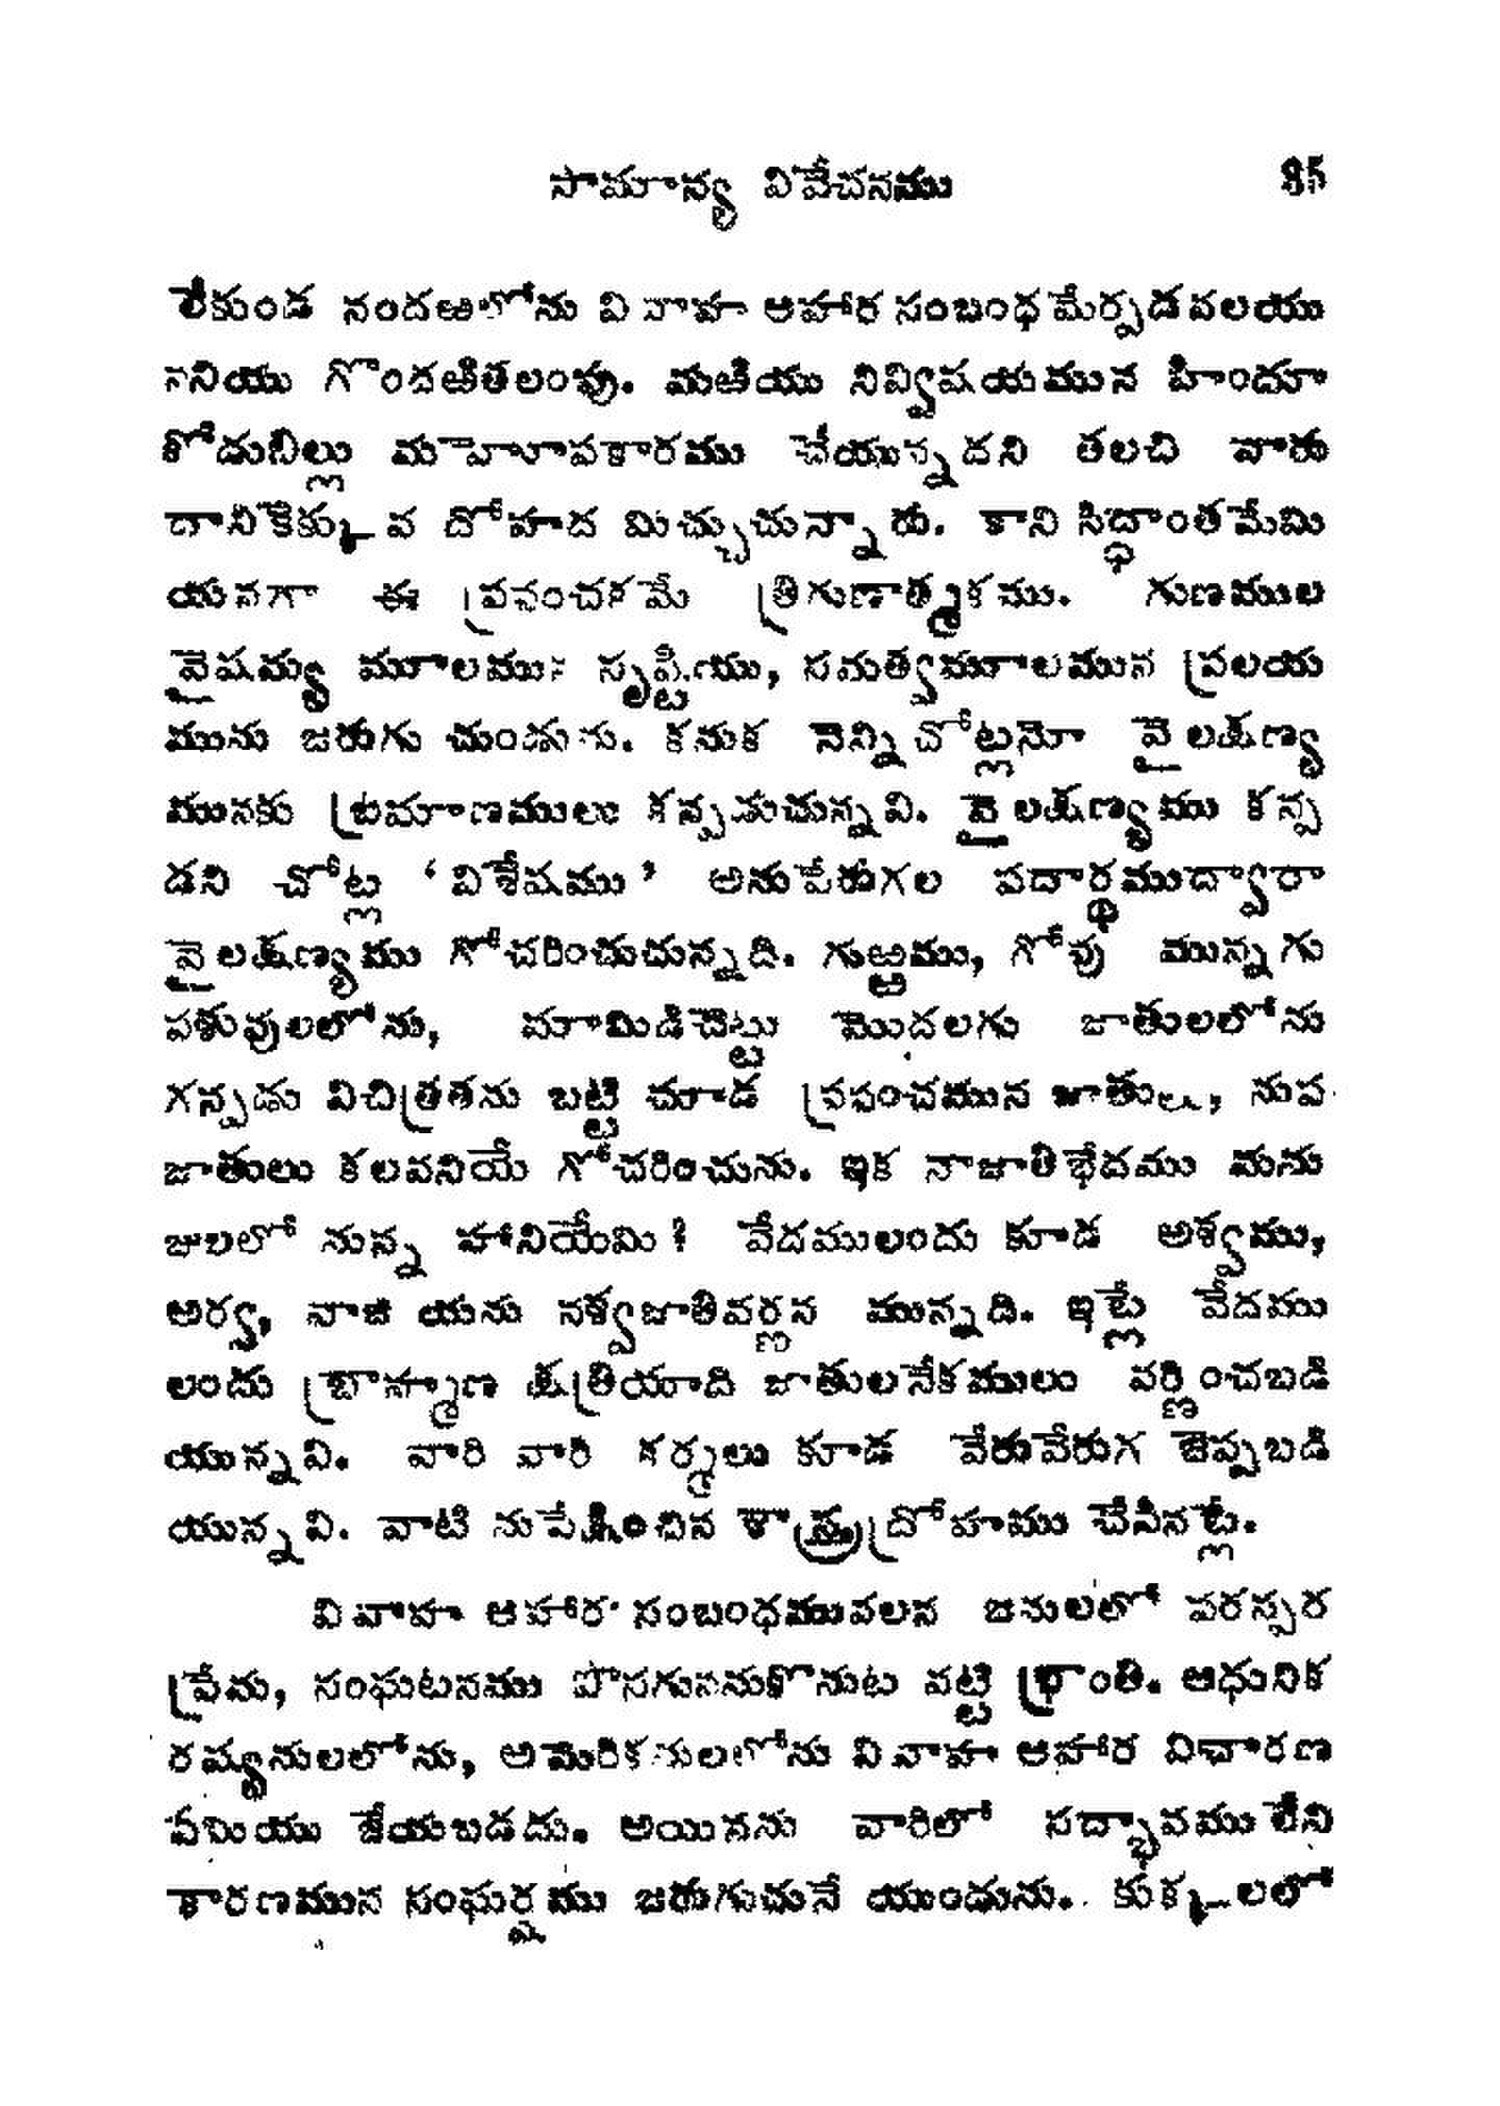లేకుండ నందఱలోను వివాహ ఆహార సంబంధ మేర్పడవలయు
మనియు గొందఱితలంపు. మఱియు నివ్విషయమున హిందూ
కోడు బిల్లు మహెూపకారము చేయున్నదని తలచి వారు
దానికెక్కువ దోహద మిచ్చుచున్నారు . కాని సిద్ధాంతమేమి
యనగా ఈ ప్రపంచకమే త్రిగుణాత్మకము. గుణముల
వైషమ్య మూలము: సృష్టియు, సమత్వమూలమున ప్రలయమును 
జరుగు చుండును. కనుక నెన్నిచోట్లనో వైలక్షణ్యమునకు 
ప్రమాణములు కన్పడుచున్నవి. వైలక్షణ్యము కన్పడని చోట్ల 
'విశేషము' అనుపేరుగల పదార్థముద్వారా వైలక్షణ్యము 
గోచరించుచున్నది. గుఱ్ఱము, గోవు మున్నగు
పశువులలోను, మామిడి చెట్టు మొదలగు జాతులలోను
గన్పడు విచిత్రతను బట్టి చూడ ప్రపంచమున జాతులు, నుప 
జాతులు కలవనియే గోచరించును. ఇక నాజాతిభేదము 
మనుజులలో నున్న హానియేమి? వేదములందు కూడ అశ్వము,
అర్వ, వాజి యను నశ్వజాతివర్ణన మున్నది. ఇట్లే వేదము
లందు బ్రాహ్మణ క్షత్రియాది జాతులనేకములు వర్ణించబడి
యున్నవి. వారి వారి కర్మలు కూడ వేరువేరుగ జెప్పబడి
యున్నవి. వాటి నుపేక్షించిన శాస్త్రద్రోహము చేసినట్లే.

వివాహ ఆహార సంబంధమువలన జనులలో పరస్పర
ప్రేమ, సంఘటనము పొసగుననుకొనుట వట్టి భ్రాంతి. ఆధునిక
'రష్యనులలోను, అమెరికనులలోను వివాహ ఆహార విచారణ
ఏమియు జేయబడదు. అయినను వారిలో సద్భావము లేని
కారణమున సంఘర్షము జరుగుచునే యుండును. కుక్కలలో